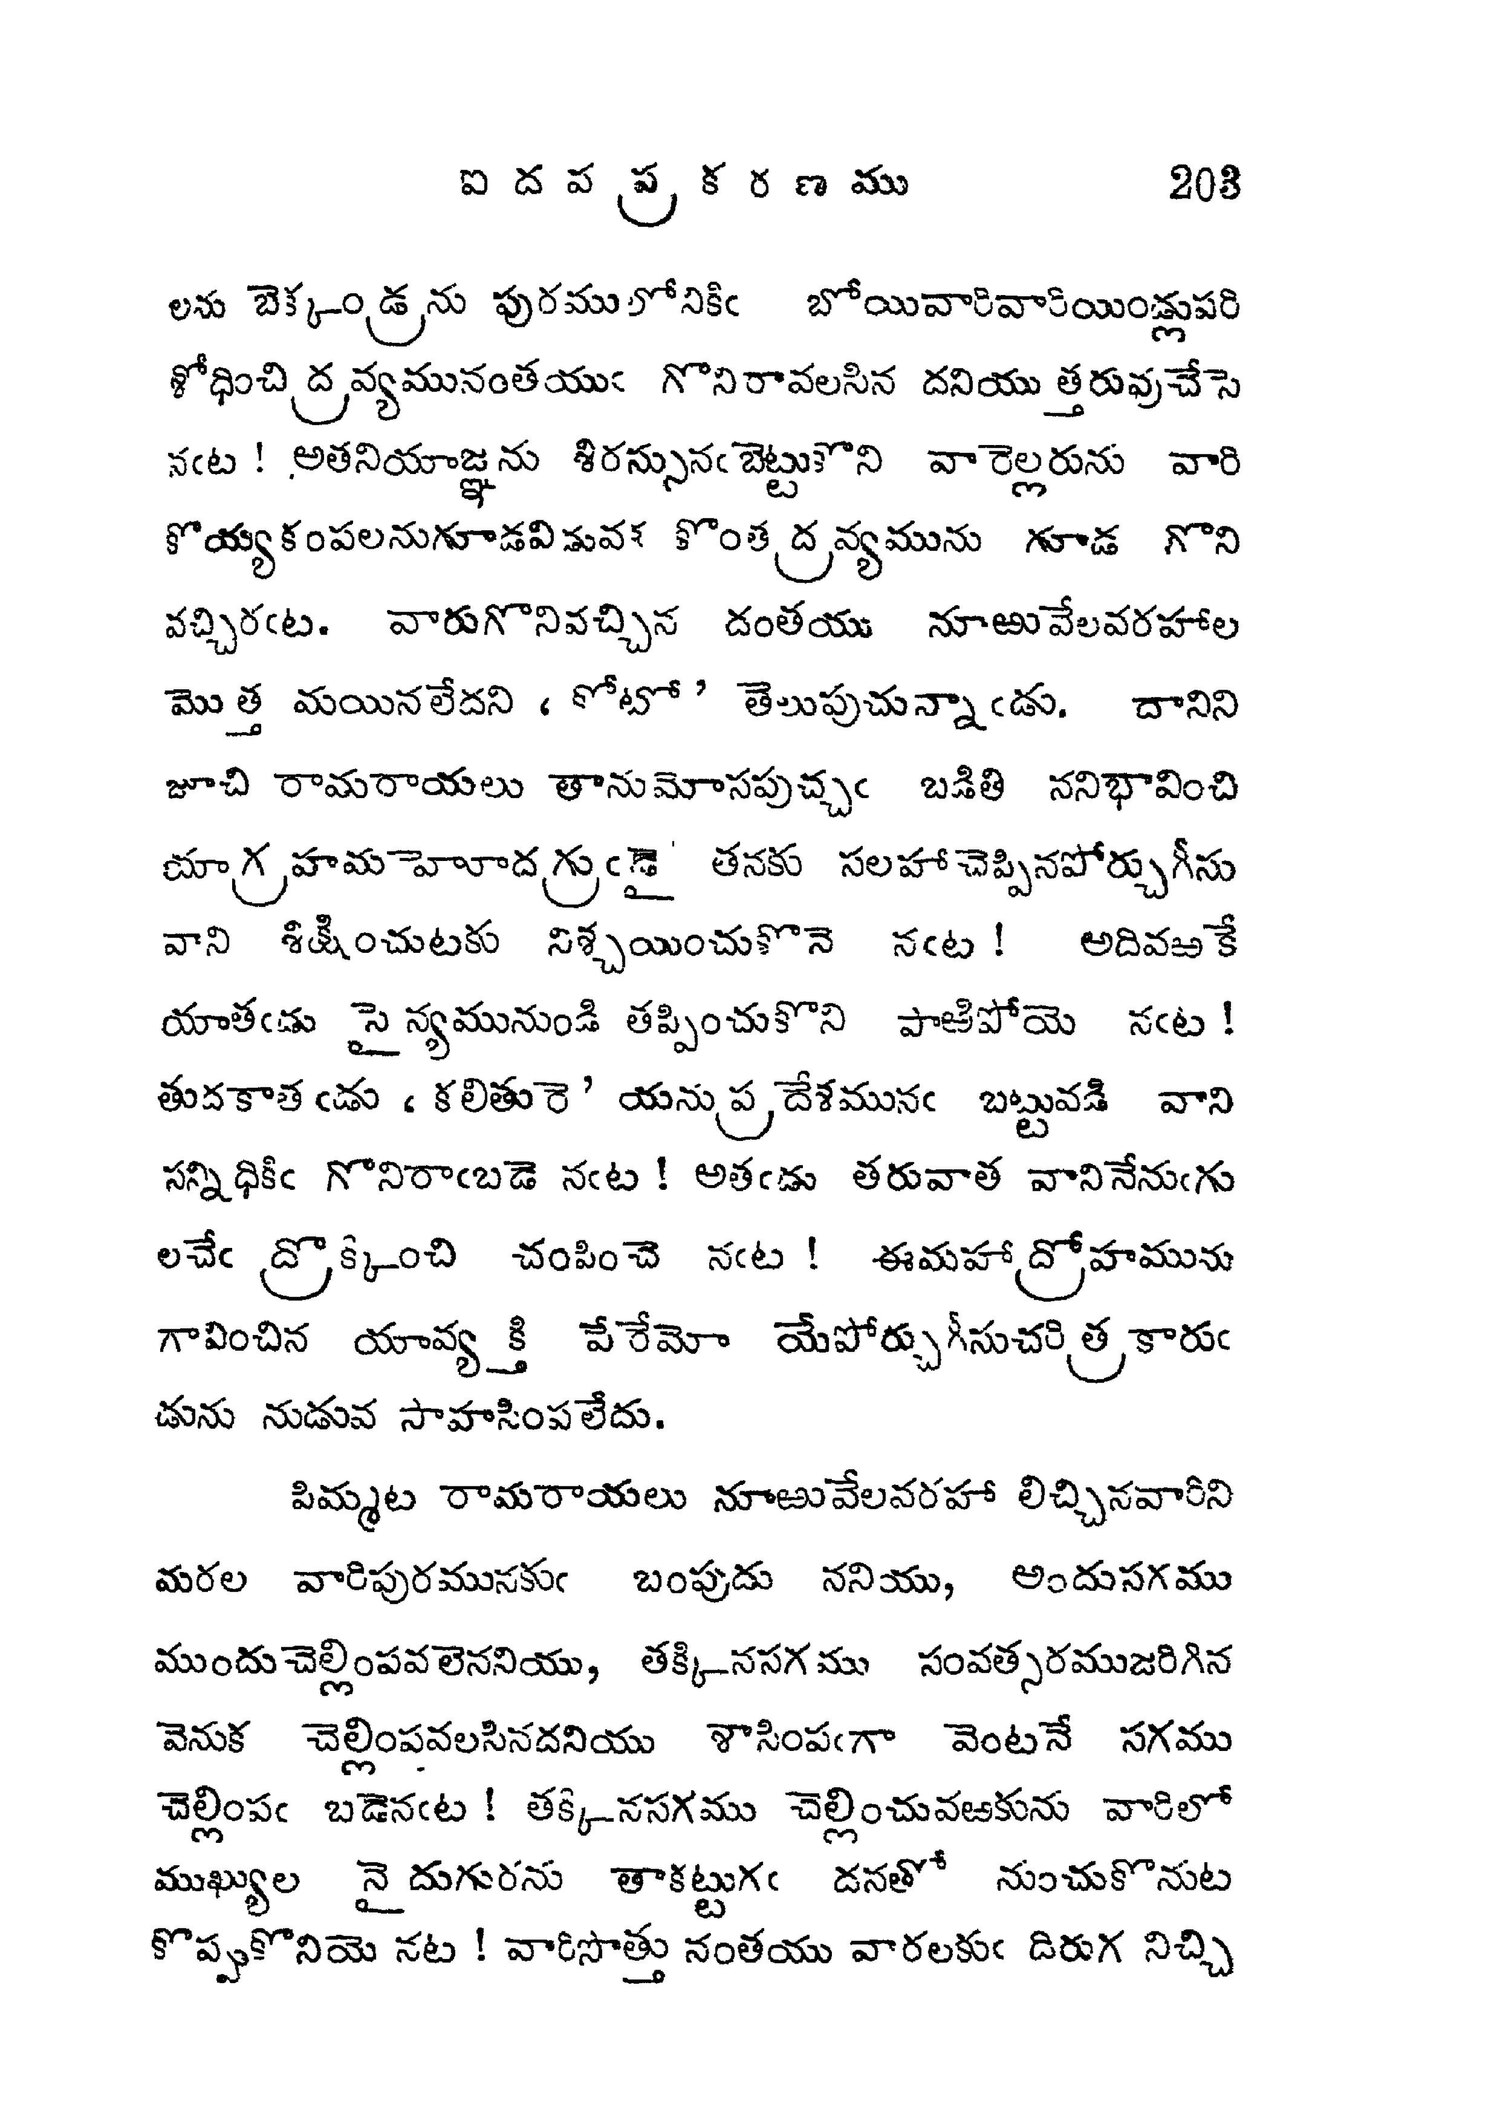లను బెక్కండ్రను పురములోనికి బోయివారివారియిండ్లుపరిశోధించి ద్రవ్యమునంతయు గొనిరావలసిన దనియుత్తరువుచేసె నట ! ఆతనియాజ్ఞను శిరస్సునబెట్టుకొని వారెల్లరును వారి కొయ్యకంపలనుగూడ విడువక కొంతద్రవ్యమును గూడ గొనివచ్చిరట. వారుగొనివచ్చిన దంతయు నూఱువేలవరహాలమొత్త మయినలేదని 'కోటో' తెలుపుచున్నాడు. దానిని జూచి రామరాయలు తానుమోసపుచ్చ బడితి ననిభావించి యాగ్రహమహోదగ్రుడై తనకు సలహాచెప్పినపోర్చుగీసువాని శిక్షించుటకు నిశ్చయించుకొనె నట ! అదివఱకే యాతడు సైన్యమునుండి తప్పించుకొని పాఱిపోయె నట ! తుదకాతడు 'కలితురె' యనుప్రదేశమున బట్టువడి వాని సన్నిధికి గొనిరాబడె నట ! అతడు తరువాత వానినేనుగులచే ద్రొక్కించి చంపించె నట ! ఈమహాద్రోహమును గావించిన యావ్యక్తి పేరేమో యేపోర్చుగీసు చరిత్రకారుడును నుడువ సాహసింపలేదు.

పిమ్మట రామరాయలు నూఱువేలవరహా లిచ్చినవారిని మరల వారిపురమునకు బంపుదు ననియు, అందుసగము ముందుచెల్లింపవలెననియు, తక్కినసగము సంవత్సరముజరిగిన వెనుక చెల్లింప వలసినదనియు శాసింపగా వెంటనే సగము చెల్లింప బడెనట ! తక్కినసగము చెల్లించువఱకును వారిలో ముఖ్యుల నైదుగురను తాకట్టుగ దనతో నుంచుకొనుట కొప్పుకొనియె నట ! వారిసొత్తు నంతయు వారలకు దిరుగ నిచ్చి